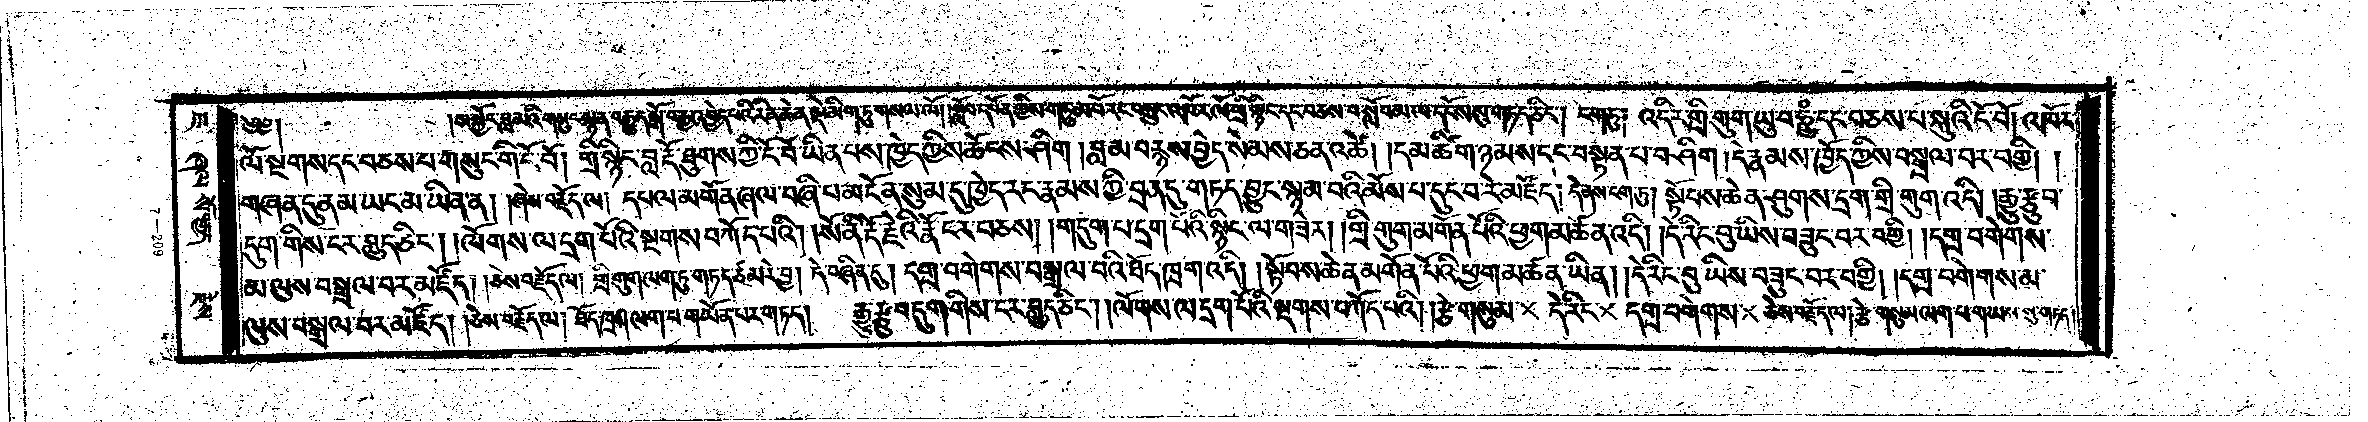༄༅། །ས་སྐྱོང་བླ་མའི་གསུང་སྙན་བརྒྱུད་སྒོ་བརྒྱ་འབྱེད་པའི་རིན་ཆེན་ལྡེ་མིག་ཏུ་གསལ་ལོ། །སློབ་དཔོན་གྱིས་གཏུམ་པོ་རང་བསྲུང་འཁོར་ལོ་གྲི་སྙིང་དང་བཅས་པ་སློབ་མ་ལ་དངོས་སུ་གཏད་ཅིང་། ངག་ཏུ།  འདིར་གྲི་གུག་ཡུ་བ་ཧཱུཾ་དང་བཅས་པ་སྐུའི་ངོ་བོ། འཁོར་
ལོ་སྔགས་དང་བཅས་པ་གསུང་གི་ངོ་བོ། གྲི་སྙིང་བླ་རྡོ་ཐུགས་ཀྱི་ངོ་བོ་ཡིན་པས་ཁྱེད་ཀྱིས་ཆོངས་ཤིག །བླ་མ་བརྙས་བྱེད་སེམས་ཅན་འཚེ། །དམ་ཚིག་ཉམས་དང་བསྟན་པ་བཤིག །དེ་རྣམས་ཁྱོད་ཀྱིས་བསྒྲལ་བར་བགྱི། །
གཞན་དུ་ནམ་ཡང་མ་ཡིན་ནོ། །ཞེས་བརྗོད་ལ།  དཔལ་མགོན་ཞལ་བཞི་པ་མངོན་སུམ་དུ་ཁྱེད་རང་རྣམས་ཀྱི་བྲན་དུ་གཏད་བྱུག་སྙམ་བའི་མོས་བ་དུང་བ་རེ་མཛོད། དེ་ནས་ངག་ཏུ།  སྟོབས་ཆེན་ཤུགས་དྲག་གྲི་གུག་འདི། །རྒྱུ་རྩུབ་
དུག་གིས་ངར་བླུད་ཅིང་། །ལོགས་ལ་དྲག་པོའི་སྔགས་བཀོད་པའི། །སོ་ནི་རྡོ་རྗེའི་སྣོ་བར་བཅས། །གདུག་བ་དྲག་པོའི་སྙིང་ལ་གཟེར། །གྲི་གུག་མགོན་པོའི་ཕྱག་མཚན་འདི། །དེ་རིང་བུ་ཡིས་བཟུང་བར་བགྱི། །དགྲ་བགེགས་
མ་ལུས་བསྒྲལ་བར་མཛོད། །ཅེས་བརྗོད་ལ། གྲི་གུག་ལག་ཏུ་གཏད་ཙམ་རེ་བྱ། དེ་བཞིན་དུ་དགྲ་བགེགས་བསྒྲལ་བའི་ཐོད་ཁག་འདི། །སྟོབས་ཆེན་མགོན་པོའི་ཕྱག་མཚན་ཡིན། །དེ་རིང་བུ་ཡིས་བུང་བར་བགྱི། །དགྲ་བགེགས་མ་
ལུས་བསྒྲལ་བར་མཛོད། །ཅེས་བརྗོད་ལ། ཐོད་ཁྲག་ལག་པ་གཡོན་པར་གཏད།  རྒྱུ་རྩུབ་དུག་གིས་ངར་བླུད་ཅིང་། །ལོགས་ལ་དྲག་པོའི་སྔགས་བཀོད་བའི། །རྩེ་གསུམ྾་དེ་རིང྾་སྒྲ་བགེགས྾་ཅེས་བརྗོད་ལ། རྩེ་གསུམ་ལག་བ་གཡས་སུ་གཏད